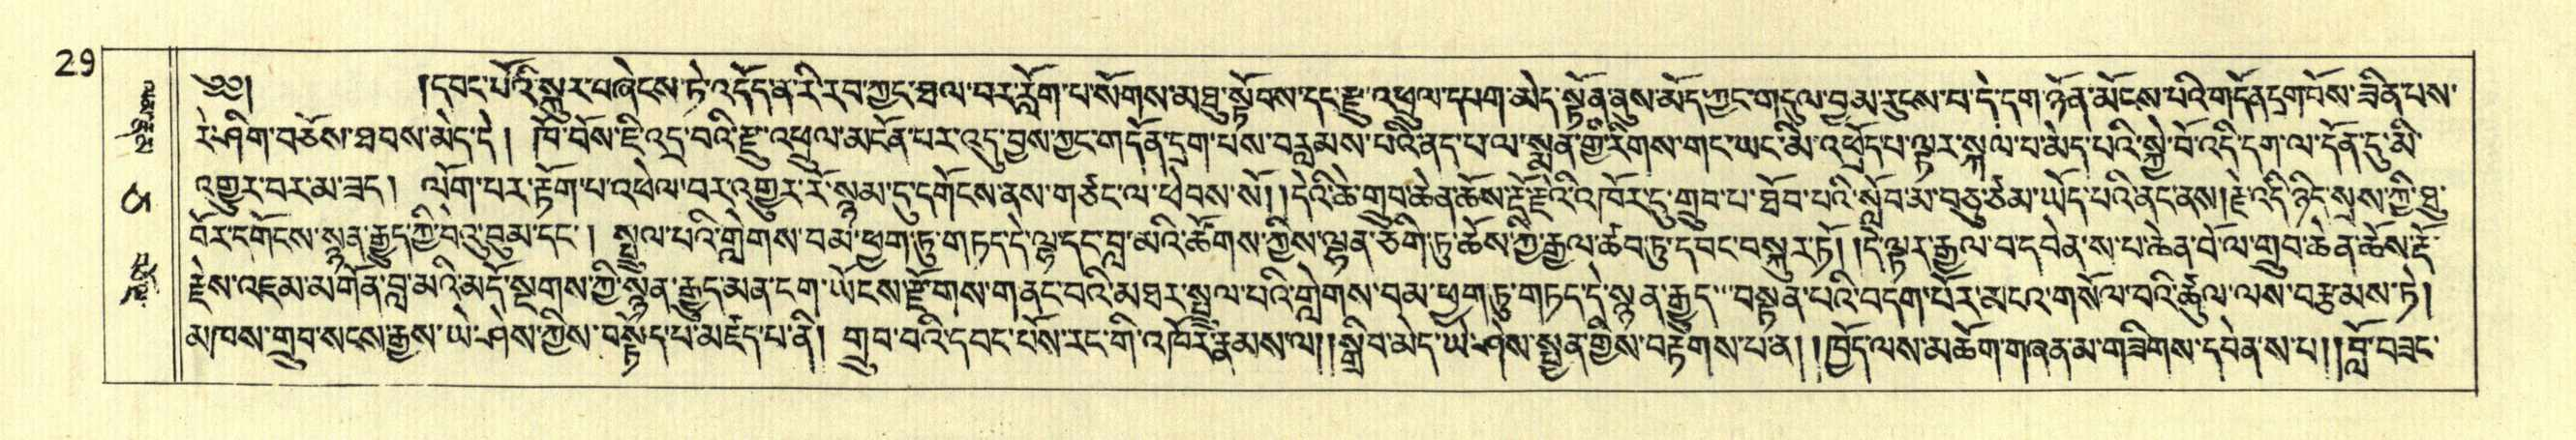༄༅། །དབང་པོའི་སྐུར་བཞེངས་ཏེ་འདོད་ན་རི་རབ་ཀྱང་ཐལ་བར་རློག་པ་སོགས་མཐུ་སྟོབས་དང་རྫུ་འཕྲུལ་དཔག་མེད་སྟོན་ནུས་མོད་ཀྱང་གདུལ་བྱ་མ་རུངས་པ་དེ་དག་ཉོན་མོངས་པའི་གདོན་དྲག་བོས་ཟིན་པས་
རེ་ཤིག་བཅོས་ཐབས་མེད་དེ། ཁོ་བོས་ཇི་འདྲ་བའི་རྫུ་འཕྲུལ་མངོན་པར་འདུ་བྱས་ཀྱང་གདོན་དྲག་པས་བརླམས་པའི་ནད་པ་ལ་སྨན་གྱི་རིགས་གང་ཡང་མི་འཕྲོད་པ་ལྟར་སྐལ་པ་མེད་པའི་སྐྱེ་བོ་འདི་དག་ལ་དོན་དུ་མི་
འགྱུར་བར་མ་ཟད། ལོག་པར་རྟོག་པ་འཕེལ་བར་འགྱུར་རོ་སྙམ་དུ་དགོངས་ནས་གཙང་ལ་ཕེབས་སོ། །དེའི་ཆེ་གྲུབ་ཆེན་ཆོས་རྡོ་རྗེའི་འཁོར་དུ་གྲུབ་པ་ཐོབ་པའི་སློབ་མ་བཅུ་ཙམ་ཡོད་པའི་ནང་ནས་།རྗེ་འདི་ཉིད་སྲས་ཀྱི་ཐུ་
བོར་དགོངས་སྙན་རྒྱུད་ཀྱི་བེའུ་བུམ་དང་། སྤྲུལ་པའི་གླེགས་བམ་ཕྱག་ཏུ་གཏད་དེ་ལྷ་དང་བླ་མའི་ཚོགས་ཀྱིས་ལྷན་ཅིག་ཏུ་ཆོས་ཀྱི་རྒྱལ་ཚབ་ཏུ་དབང་བསྐུར་ཏོ། །དེ་ལྟར་རྒྱལ་བ་དབེན་ས་པ་ཆེན་བོ་ལ་གྲུབ་ཆེན་ཆོས་རྡོ་
རྗེས་འཇམ་མགོན་བླ་མའི་མདོ་སྔགས་ཀྱི་སྙན་རྒྱུད་མན་ངག་ཡོངས་རྫོགས་གནང་བའི་མཐར་སྤྲུལ་པའི་གླེགས་བམ་ཕྱག་ཏུ་གཏད་དེ་སྙན་རྒྱུད་བསྟན་པའི་བདག་པོར་མངའ་གསོལ་བའི་ཚུལ་ལས་བརྩམས་ཏེ།
མཁས་གྲུབ་སངས་རྒྱས་ཡེ་ཤེས་ཀྱིས་བསྟོད་པ་མཛད་པ་ནི། གྲུབ་བའི་དབང་པོས་རང་གི་འཁོར་རྣམས་ལ། །སྒྲིབ་མེད་ཡེ་ཤེས་སྤྱན་གྱིས་བརྟགས་པ་ན། །ཁྱོད་ལས་མཆོག་གཞན་མ་གཟིགས་དབེན་ས་པ། །བློ་བཟང་